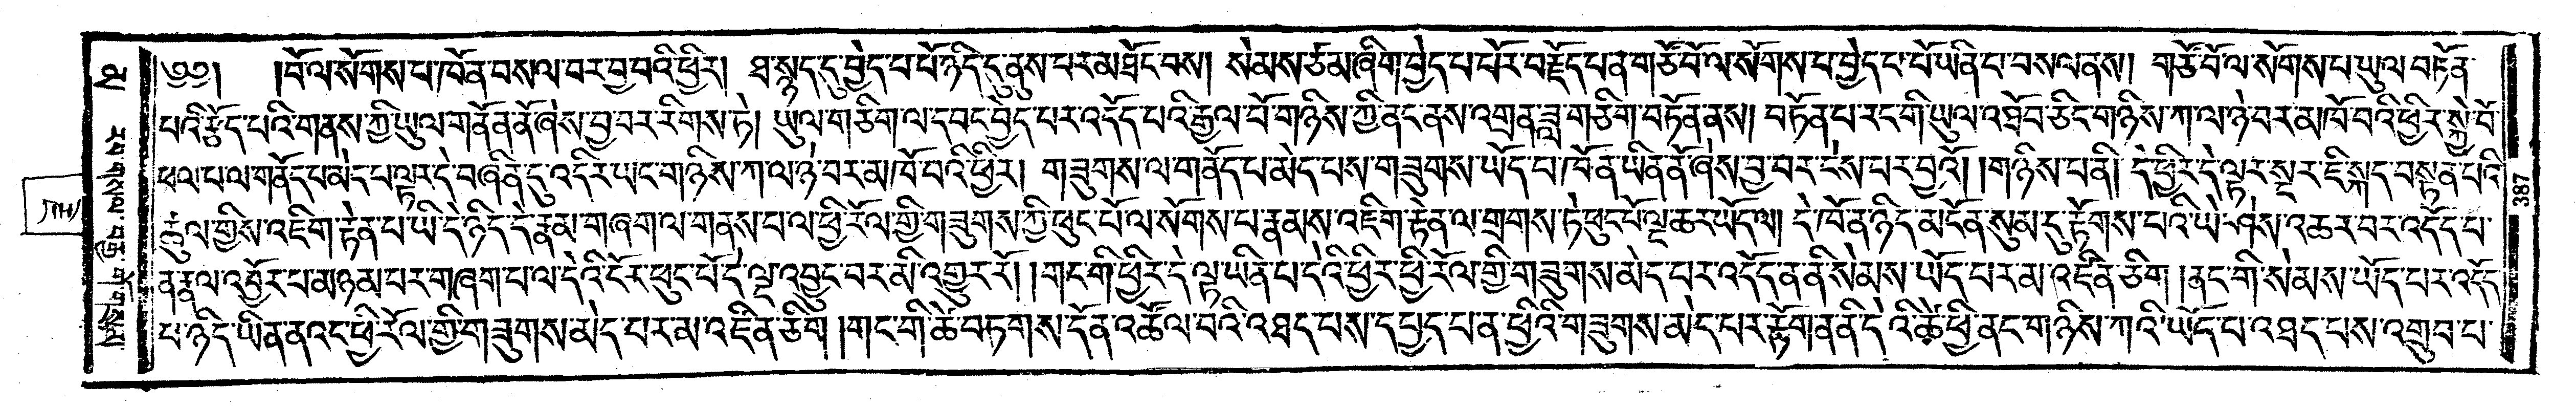༄༅། །བོ་ལ་སོགས་པ་ཁོ་ན་བསལ་བར་བྱ་བའི་ཕྱིར། ཐ་སྙད་དུ་བྱེད་པ་པོ་ཉིད་དུ་ནུས་པར་མཐོང་བས། སེམས་ཙམ་ཞིག་བྱེད་པ་པོར་བརྗོད་པ་ན་གཙོ་བོ་ལ་སོགས་པ་བྱེད་པ་པོ་ཡིན་པ་བསལ་ནས། གཙོ་བོ་ལ་སོགས་པ་ཡུལ་བཏོན་
པའི་རྩོད་པའི་གནས་ཀྱི་ཡུལ་གནོན་ནོ་ཞེས་བྱ་བར་རིགས་ཏེ། ཡུལ་གཅིག་ལ་དབང་བྱེད་པར་འདོད་པའི་རྒྱལ་པོ་གཉིས་ཀྱི་ནང་ནས་འགྲན་ཟླ་གཅིག་བཏོན་ནས། བཏོན་པ་རང་གི་ཡུལ་འཐོབ་ཅིང་གཉིས་ཀ་ལ་ཉེ་བར་མཁོ་བའི་ཕྱིར་སྐྱེ་བོ་
ཕལ་པ་ལ་གནོད་པ་མེད་པ་ལྟར་དེ་བཞིན་དུ་འདིར་ཡང་གཉིས་ཀ་ལ་ཉེ་བར་མཁོ་བའི་ཕྱིར། གཟུགས་ལ་གནོད་པ་མེད་པས་གཟུགས་ཡོད་པ་ཁོ་ན་ཡིན་ནོ་ཞེས་བྱ་བར་ངེས་པར་བྱའོ། །གཉིས་པ་ནི། དེ་ཕྱིར་དེ་ལྟར་སྔར་ཇི་སྐད་བསྟན་པའི་
ཚུལ་གྱིས་འཇིག་རྟེན་པ་ཡི་དེ་ཉིད་དེ་རྣམ་གཞག་ལ་གནས་པ་ལ་ཕྱི་རོལ་གྱི་གཟུགས་ཀྱི་ཕུང་པོ་ལ་སོགས་པ་རྣམས་འཇིག་རྟེན་ལ་གྲགས་ཏེ་ཕུང་པོ་ལྔ་ཆར་ཡོད་ལ། དེ་ཁོ་ན་ཉིད་མངོན་སུམ་དུ་རྟོགས་པའི་ཡེ་ཤེས་འཆར་བར་འདོད་པ་
ན་རྣལ་འབྱོར་པ་མཉམ་པར་གཞག་པ་ལ་དེའི་ངོར་ཕུང་པོ་དེ་ལྔ་འབྱུང་བར་མི་འགྱུར་རོ། །གང་གི་ཕྱིར་དེ་ལྟ་ཡིན་པ་དེའི་ཕྱིར་ཕྱི་རོལ་གྱི་གཟུགས་མེད་པར་འདོད་ན་ནི་སེམས་ཡོད་པར་མ་འཛིན་ཅིག །ནང་གི་སེམས་ཡོད་པར་འདོད་
པ་ཉིད་ཡིན་ནའང་ཕྱི་རོལ་གྱི་གཟུགས་མེད་པར་མ་འཛིན་ཅིག །གང་གི་ཚེ་བཏགས་དོན་འཚོལ་བའི་འཐད་པས་དཔྱད་པ་ན་ཕྱིའི་གཟུགས་མེད་པར་རྟོག་ན་ནི་དེའི་ཚེ་ཕྱི་ནང་གཉིས་ཀའི་ཡོད་པ་འཐད་པས་ལས་འགྲུབ་པ་